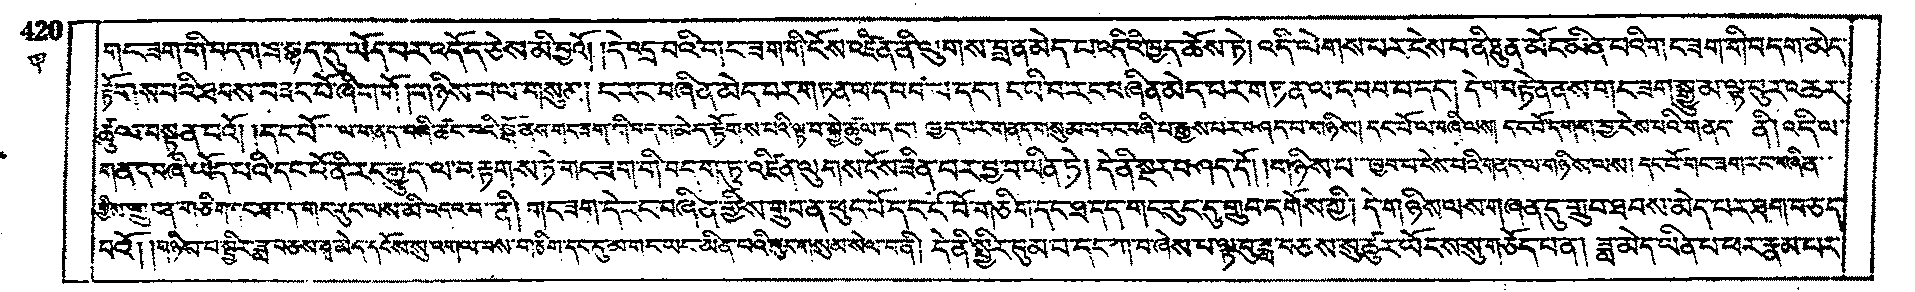གང་ཟག་གི་བདག་ཐ་སྙད་དུ་ཡོད་པར་འདོད་ཅེས་མི་བྱའོ། །དེ་འདྲ་བའི་གང་ཟག་གི་ངོས་འཛིན་ནི་ལུགས་བླ་ན་མེད་པ་འདིའི་ཁྱད་ཆོས་ཏེ། འདི་ལེགས་པར་ངེས་པ་ནི་ཐུན་མོང་མིན་པའི་གང་ཟག་གི་བདག་མེད་
རྟོགས་པའི་ཐབས་བཟང་པོ་ཞིག་གོ། །གཉིས་པ་ལ་གསུམ། ང་རང་བཞིན་མེད་པར་གཏན་ལ་དབབ་པ་དང་། ང་ཡིན་བ་རང་བཞིན་མེད་པར་གཏན་ལ་དབབ་པ་དང་། དེ་ལ་བརྟེན་ནས་གང་ཟག་སྒྱུ་མ་ལྟ་བུར་འཆར་
ཚུལ་བསྟན་པའོ། །དང་པོ་ལ་གནད་བཞི་ཚང་བའི་སྒོ་ནས་གང་ཟག་གི་བདག་མེད་རྟོགས་པའི་ལྟ་བ་སྐྱེ་ཚུལ་དང་། ཁྱད་པར་གནད་གསུམ་པ་དང་བཞི་པ་རྒྱས་པར་བཤད་པ་གཉིས། དང་པོ་ལ་བཞི་ལས། དང་པོ་དགག་བྱ་ངེས་པའི་གནད་ནི། འདི་ལ་
གནད་བཞི་ཡོད་པའི་དང་པོ་ནི་རང་རྒྱུད་ལ་བརྟགས་ཏེ་གང་ཟག་གི་བདག་ཏུ་འཛིན་ལུགས་ངོས་ཟིན་པར་བྱ་བ་ཡིན་ཏེ། དེ་ནི་སྔར་བཤད་དོ། །གཉིས་པཁྱབ་པ་ངེས་པའི་གནད་ལ་གཉིས་ལས། དང་པོ་གང་ཟག་རང་བཞིན་
གྱིས་གྲུབ་ན་གཅིག་དང་ཐ་དད་གང་རུང་ལས་མི་འདའ་བ་ནི། གང་ཟག་དེ་རང་བཞིན་གྱིས་གྲུབ་ན་ཕུང་པོ་དང་ངོ་བོ་གཅིག་དང་ཐ་དད་གང་རུང་དུ་གྲུབ་དགོས་ཀྱི། དེ་གཉིས་ལས་གཞན་དུ་གྲུབ་ཐབས་མེད་པར་ཐག་བཅད་
པའོ། །གཉིས་པ་སྤྱིར་ཟླ་བཅས་ཟླ་མེད་དངོས་སུ་འགལ་བས་གཅིག་དང་དུ་མ་གང་ཡང་མིན་པའི་ཕུང་གསུམ་སེལ་བ་ནི།  དེ་ནི་སྤྱིར་བུམ་པ་དང་ཀ་བ་ཞེས་པ་ལྟ་བུ་ཟླ་བཅས་སུ་ཚུར་ཡོངས་སུ་གཅོད་པ་ན། ཟླ་མེད་ཡིན་པ་ཕར་རྣམ་པར་